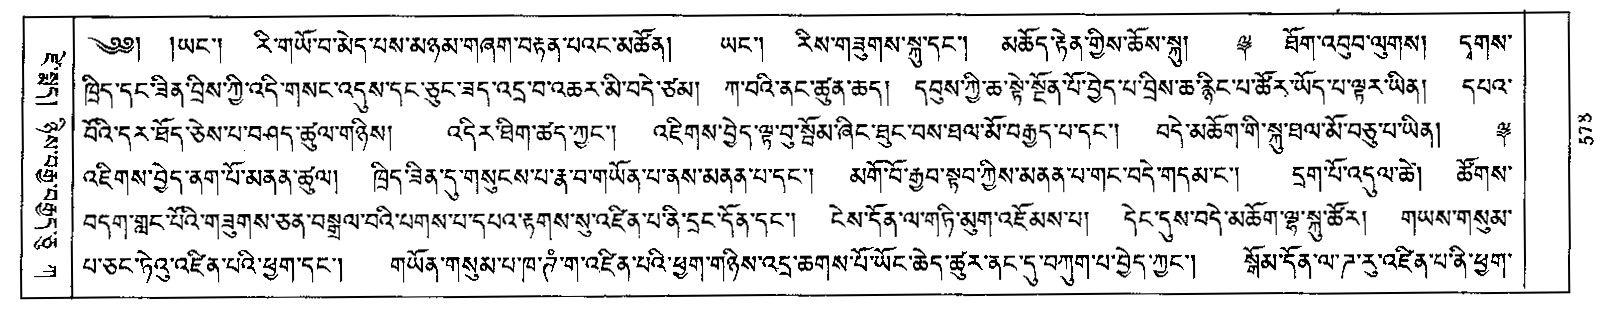༄༅། །ཡང་། རི་གཡོ་བ་མེད་པས་མཉམ་གཞག་བརྟན་པའང་མཚོན། ཡང་། རིས་གཟུགས་སྐུ་དང་། མཆོད་རྟེན་གྱིས་ཆོས་སྐུ། ༈ ཐོག་འབུབ་ལུགས། དྭགས་
ཁྲིད་དང་ཟིན་བྲིས་ཀྱི་འདི་གསང་འདུས་དང་ཅུང་ཟད་འདྲ་བ་འཆར་མི་བདེ་ཙམ། ཀ་བའི་ནང་ཚུན་ཆད། དབུས་ཀྱི་ཆ་སྟེ་སྔོན་པོ་བྱེད་པ་བྲིས་ཆ་རྙིང་པ་ཚོར་ཡོད་པ་ལྟར་ཡིན། དཔའ་
བོའི་དར་ཐོད་ཅེས་པ་བཤད་ཚུལ་གཉིས། འདིར་ཐིག་ཚད་ཀྱང་། འཇིགས་བྱེད་ལྟ་བུ་སྦོམ་ཞིང་ཐུང་བས་ཐལ་མོ་བརྒྱད་པ་དང་། བདེ་མཆོག་གི་སྐུ་ཐལ་མོ་བཅུ་པ་ཡིན། ༈
འཇིགས་བྱེད་ནག་པོ་མནན་ཚུལ། ཁྲིད་ཟིན་དུ་གསུངས་པ་རྣ་བ་གཡོན་པ་ནས་མནན་པ་དང་། མགོ་བོ་རྒྱབ་སྟབ་ཀྱིས་མནན་པ་གང་བདེ་གདམ་ང་། དྲག་པོ་འདུལ་ཚེ། ཚོགས་
བདག་གླང་པོའི་གཟུགས་ཅན་བསྒྲལ་བའི་པགས་པ་དཔའ་རྟགས་སུ་འཛིན་པ་ནི་དྲང་དོན་དང་། ངེས་དོན་ལ་གཏི་མུག་འཇོམས་པ། དེང་དུས་བདེ་མཆོག་ལྷ་སྐུ་ཚོར། གཡས་གསུམ་
པ་ཅང་ཏེའུ་འཛིན་པའི་ཕྱག་དང་། གཡོན་གསུམ་པ་ཁ་ཊཾ་ག་འཛིན་པའི་ཕྱག་གཉིས་འདྲ་ཆགས་པོ་ཡོང་ཆེད་ཚུར་ནང་དུ་བཀུག་པ་བྱེད་ཀྱང་། སྒོམ་དོན་ལ་ཌ་རུ་འཛིན་པ་ནི་ཕྱག་